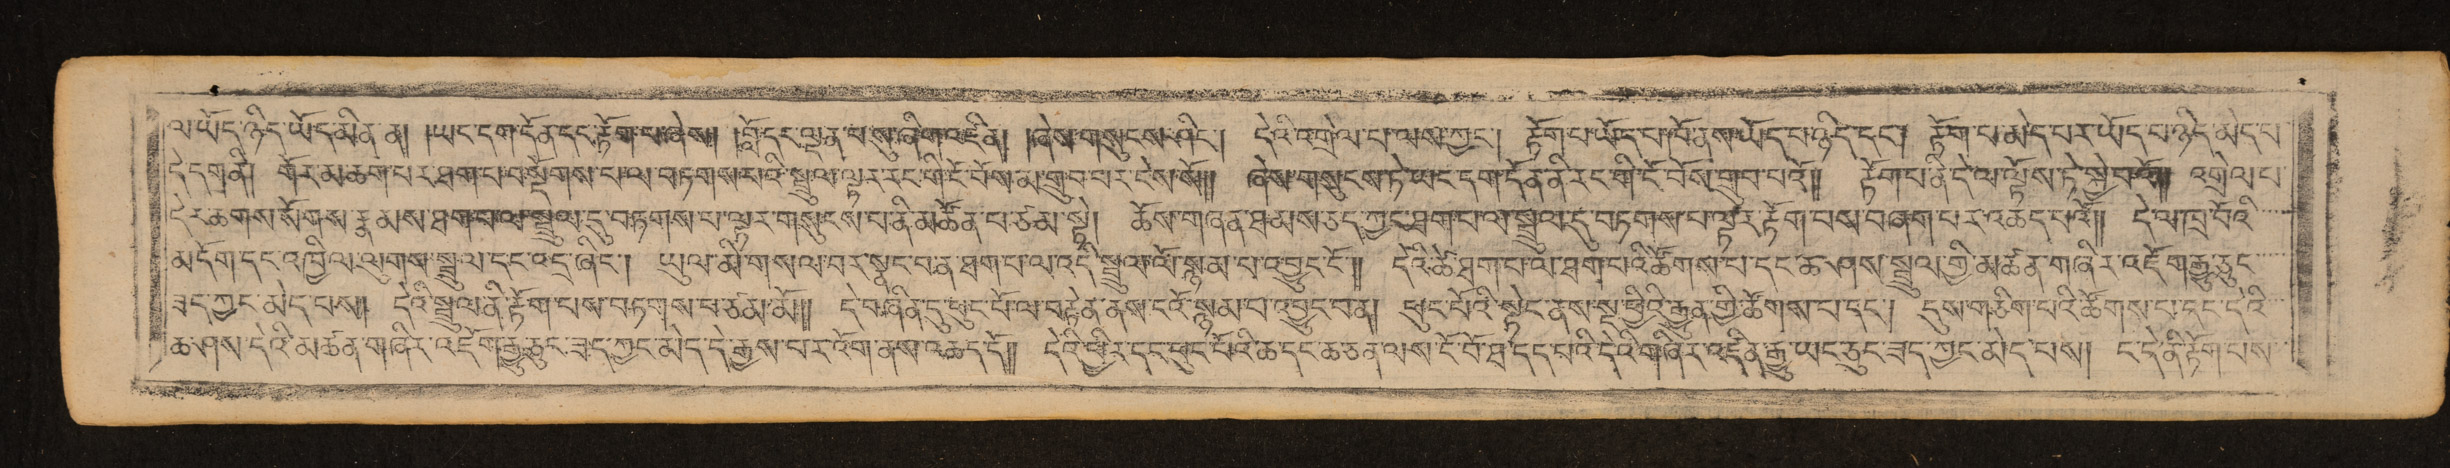ལ་ཡོད་ཉིད་ཡོད་མིན་ན། །ཡང་དག་དོན་དང་རྟོག་པ་ཞེས། །བློ་དང་ལྡན་པ་སུ་ཞིག་འཛིན། །ཞེས་གསུངས་ཤིང་། དེའི་འགྲེལ་པ་ལས་ཀྱང་། རྟོག་པ་ཡོད་པ་ཁོ་ནས་ཡོད་པ་ཉིད་དང་། རྟོག་པ་མེད་པར་ཡོད་པ་ཉིད་མེད་པ་
དེ་དག་ནི། གོར་མ་ཆག་པར་ཐག་པ་བསྡོགས་པ་ལ་བཏགས་པའི་སྦྲུལ་ལྟར་རང་གི་ངོ་བོས་མ་གྲུབ་པར་ངེས་སོ།། ཞེས་གསུངས་ཏེ་ཡང་དག་དོན་ནི་རང་གི་ངོ་བོས་གྲུབ་པའོ།། རྟོག་པ་ནི་དེ་ལ་ལྟོས་ཏེ་སྐྱེ་བའོ།། འགྲེལ་པ་
དེར་ཆགས་སོགས་རྣམས་ཐག་པ་ལ་སྦྲུལ་དུ་བཏགས་པ་ལྟར་གསུངས་པ་ནི་མཚོན་པ་ཙམ་སྟེ། ཆོས་གཞན་ཐམས་ཅད་ཀྱང་ཐག་པ་ལ་སྦྲུལ་དུ་བཏགས་པ་ལྟར་རྟོག་པས་བཞག་པར་འཆད་པའོ།། དེ་ལ་ཁྲ་བོའི་
མདོག་དང་འཁྱིལ་ལུགས་སྦྲུལ་དང་འདྲ་ཞིང་། ཡུལ་མི་གསལ་བར་སྣང་བ་ན་ཐག་པ་ལ་འདི་སྦྲུལ་ལོ་སྙམ་པ་འབྱུང་ངོ།། དེའི་ཚེ་ཐག་པ་ལ་ཐག་པའི་ཚོགས་པ་དང་ཆ་ཤས་སྦྲུལ་གྱི་མཚན་གཞིར་འཇོག་རྒྱུ་ཅུང་
ཟད་ཀྱང་མེད་པས། དེའི་སྦྲུལ་ནི་རྟོག་པས་བཏགས་པ་ཙམ་མོ།། དེ་བཞིན་དུ་ཕུང་པོ་ལ་བརྟེན་ནས་ངའོ་སྙམ་པ་འབྱུང་བ་ན། ཕུང་པོའི་སྟེང་ནས་སྔ་ཕྱིའི་རྒྱུན་གྱི་ཚོགས་པ་དང་། དུས་གཅིག་པའི་ཚོགས་པ་དང་དེའི་
ཆ་ཤས་དེའི་མཚན་གཞིར་འཇོག་རྒྱུ་ཅུང་ཟད་ཀྱང་མེད་དེ་རྒྱས་པར་འོག་ནས་འཆད་དོ།། དེའི་ཕྱིར་དང་ཕུང་པོའི་ཆ་དང་ཆ་ཅན་ལས་ངོ་བོ་ཐ་དད་པའི་དེའི་གཞིར་འཛིན་རྒྱུ་ཡང་ཅུང་ཟད་ཀྱང་མེད་པས། ང་དེ་ནི་རྟོག་པས་